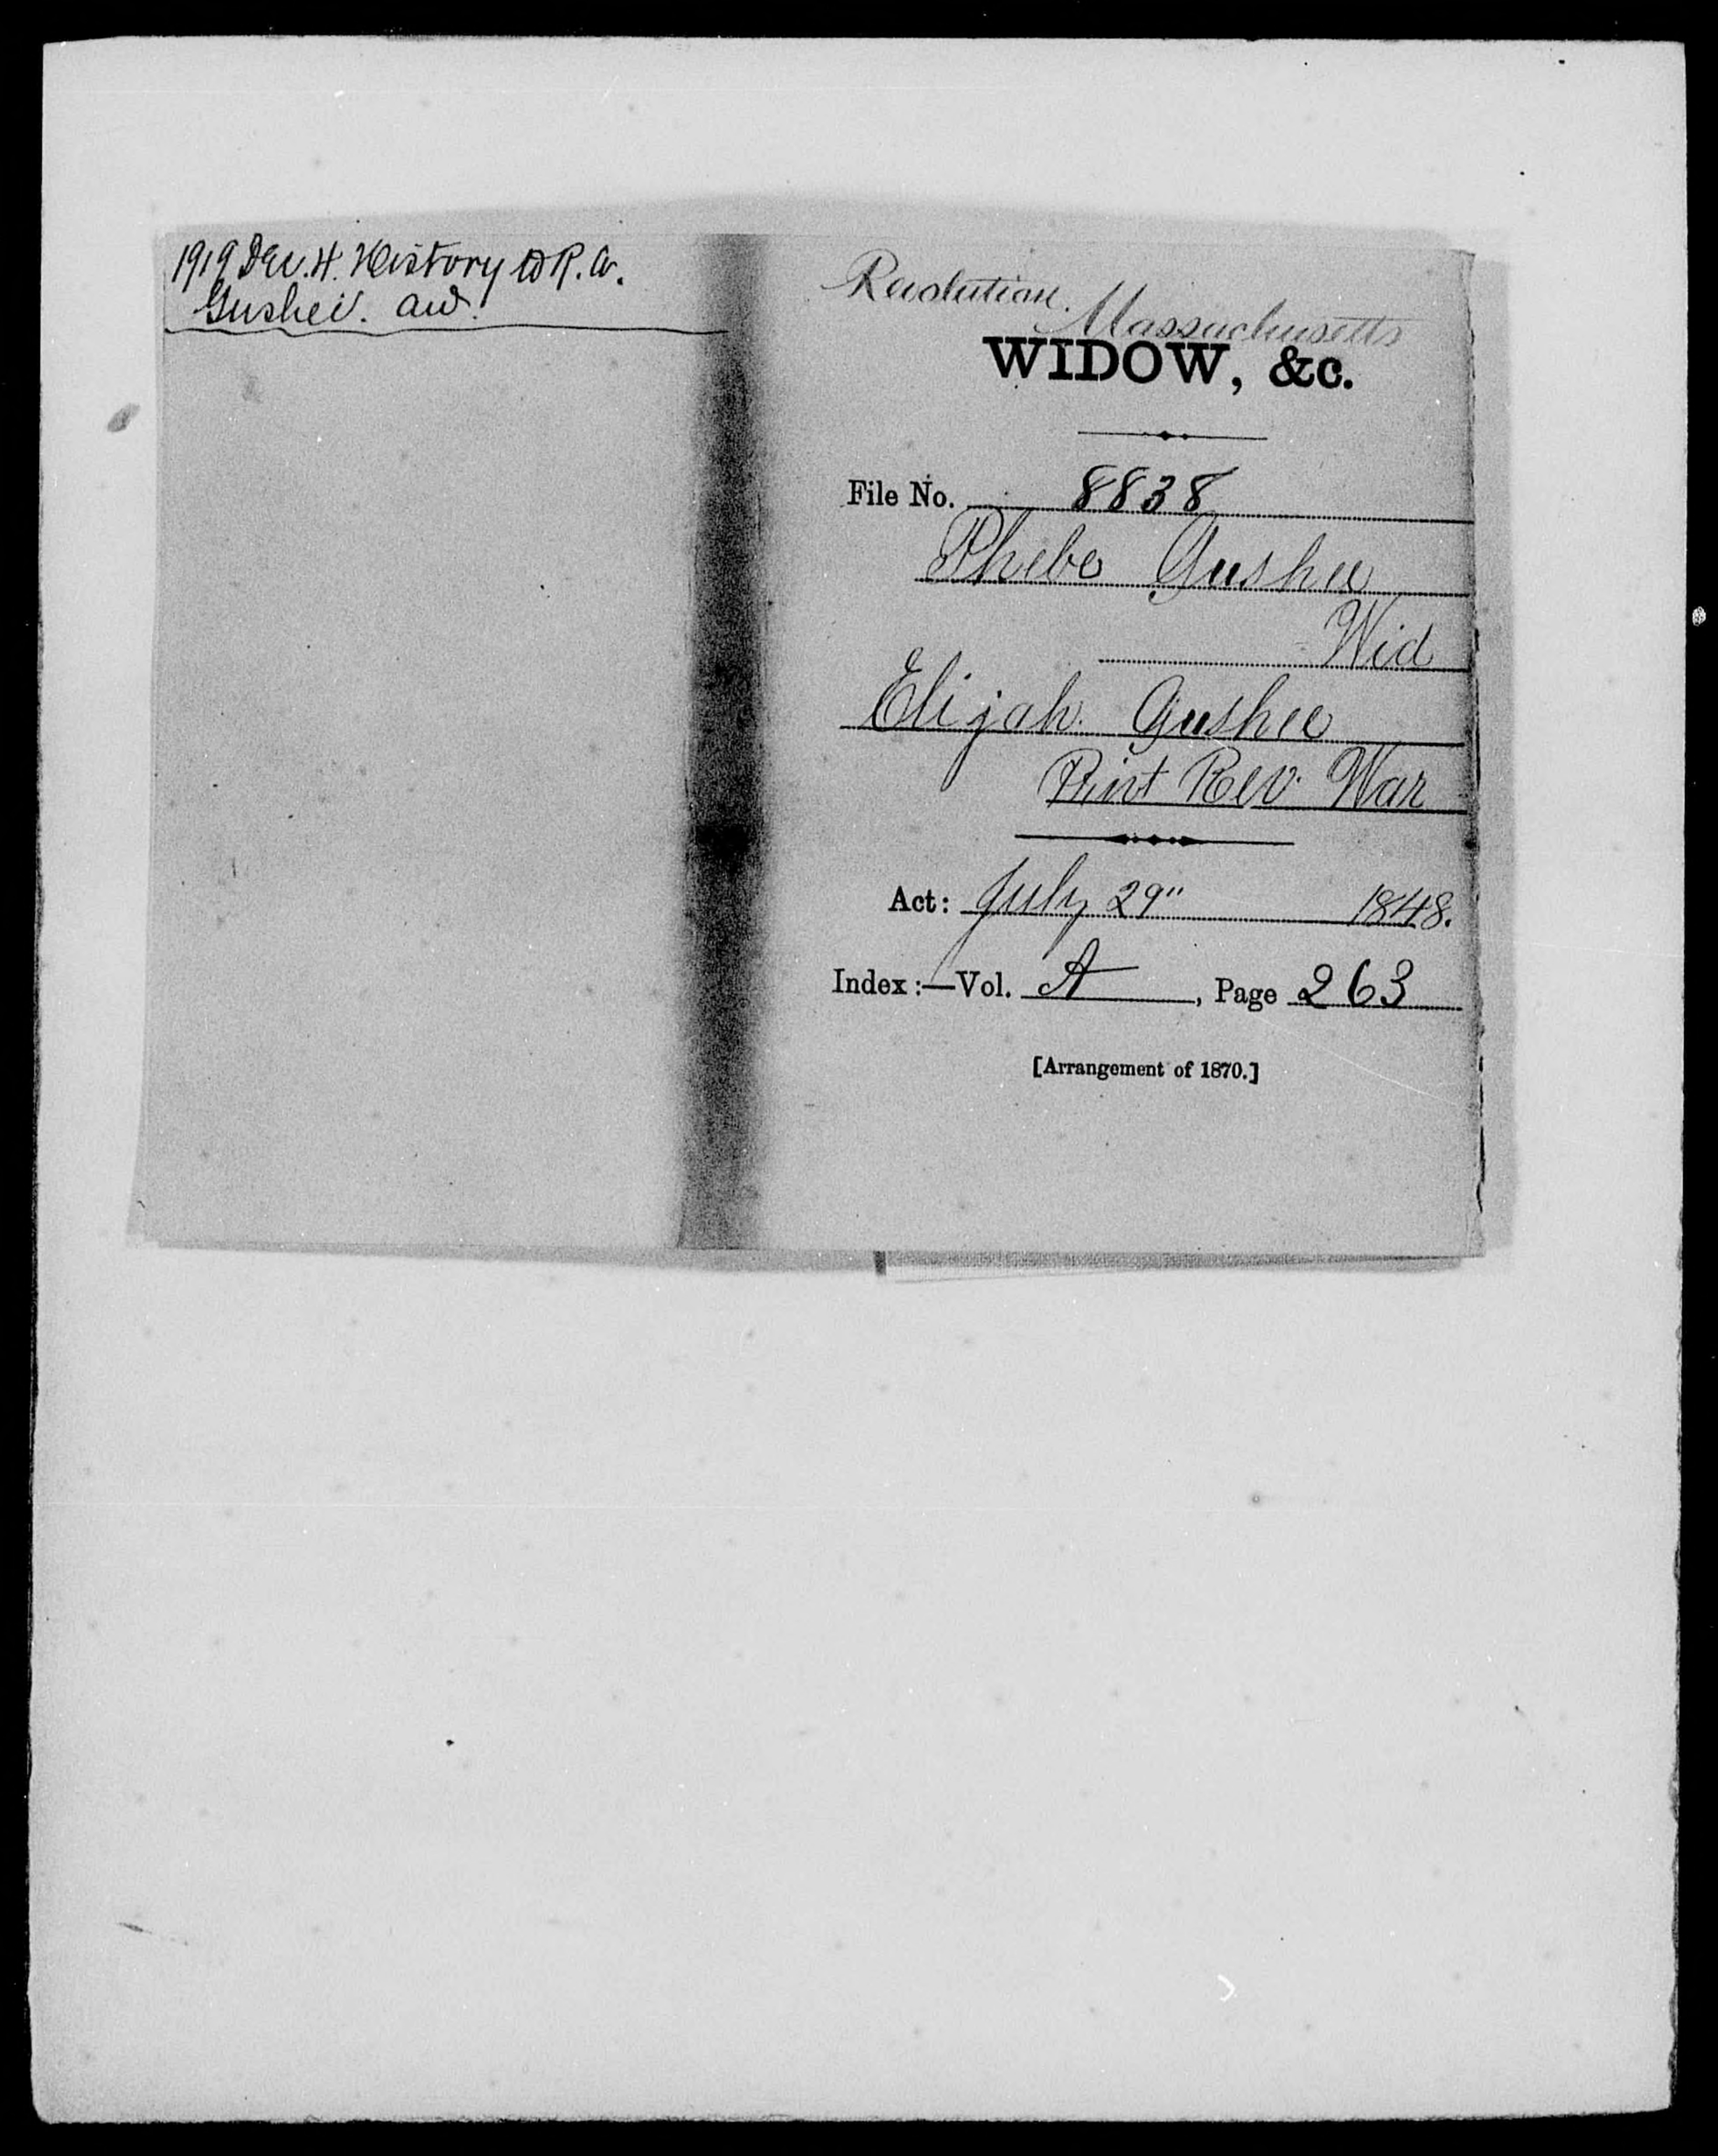[left side of document]
1919 (?) History WRA
Gushee  (?)

[right side of document]
Resolution
Massachusetts
WIDOW, &C.

File No. 8838
Phebe Gushee
Wid
Elijah Gushee
Privt. Rev War

Act: July 29  1848
Index: - Vol. A, Page 263

[Arrangement of 1870]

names: Phebe Gushee, Elijah Gushee, R W Gushee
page: 21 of 36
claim: widow's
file: W. 8838, Elijah Gushee, Mass.